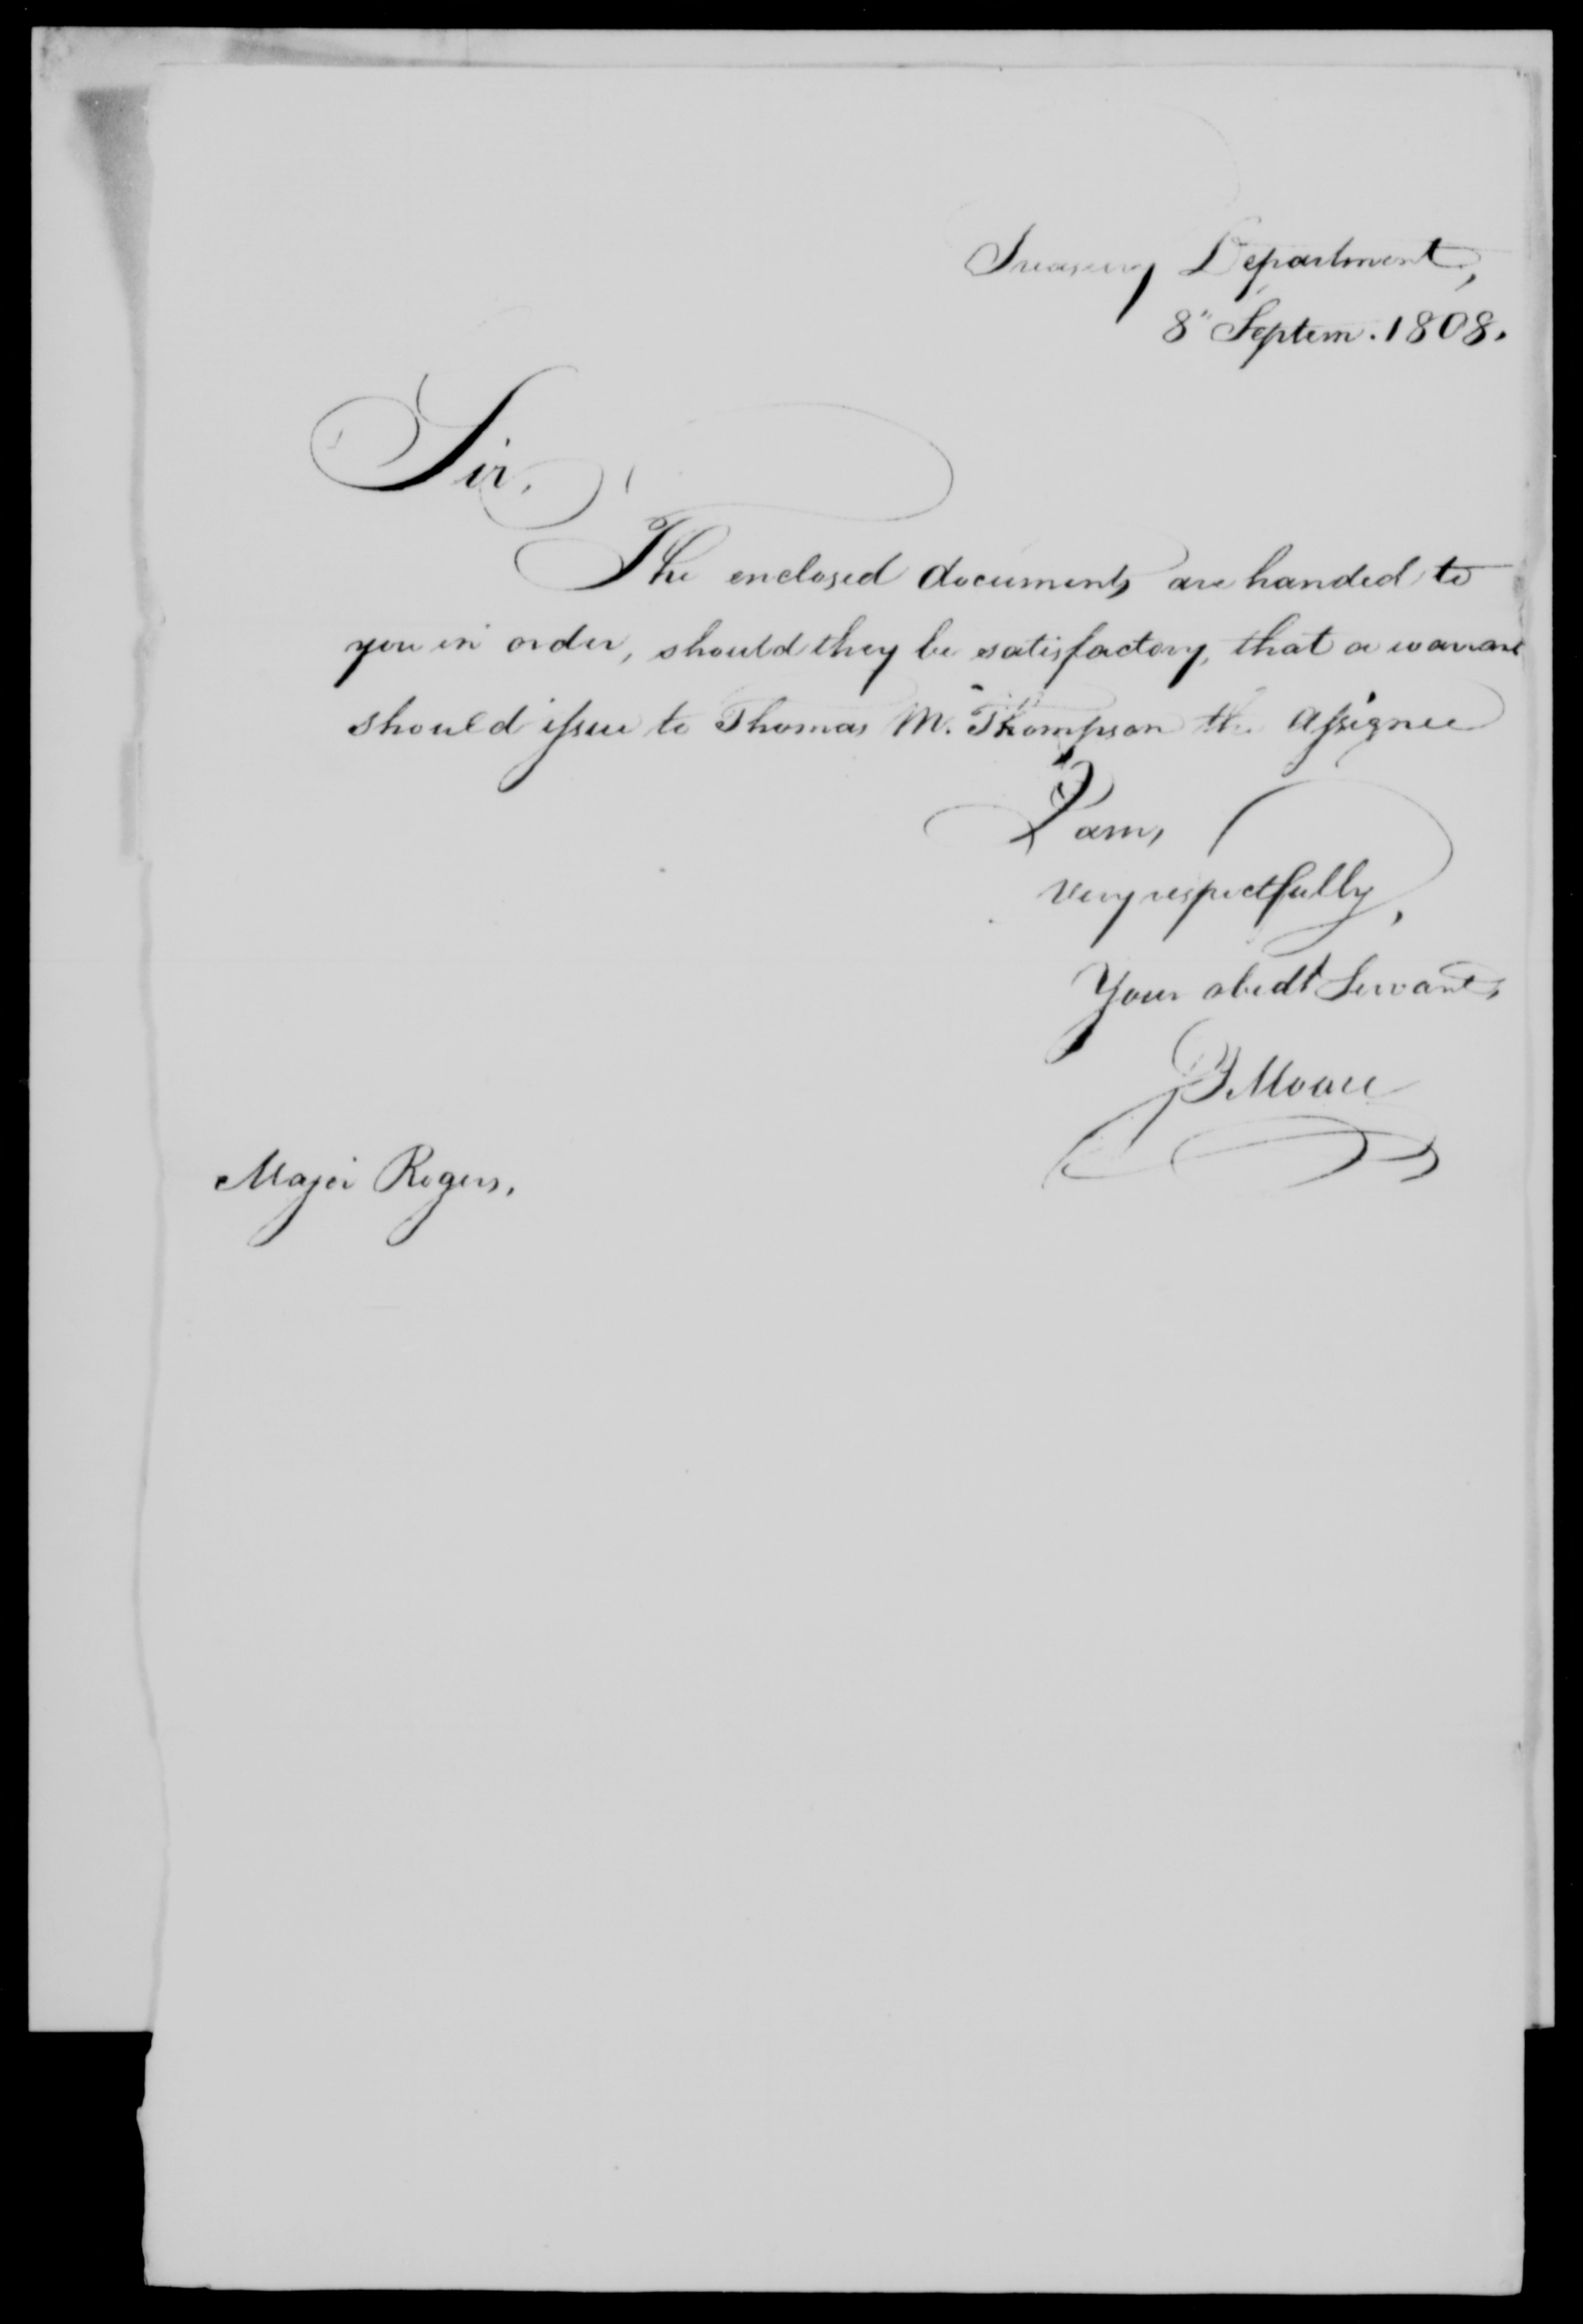Treasury Department
8 Septem. 1808. 
Sir,
The enclosed documents are handed to you in order, should they be satisfactory, that a warrant should issue to Thomas M. Thompson the Assignee 
I am 
very respectfully 
Your obedt Servant 
J. J. Moore
Major Rogers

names: Rogers, Thomas M Thompson, J J Moore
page: 9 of 13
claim: bounty land warrant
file: B. L. Wt. 428-200, Marcus Young, Penn.